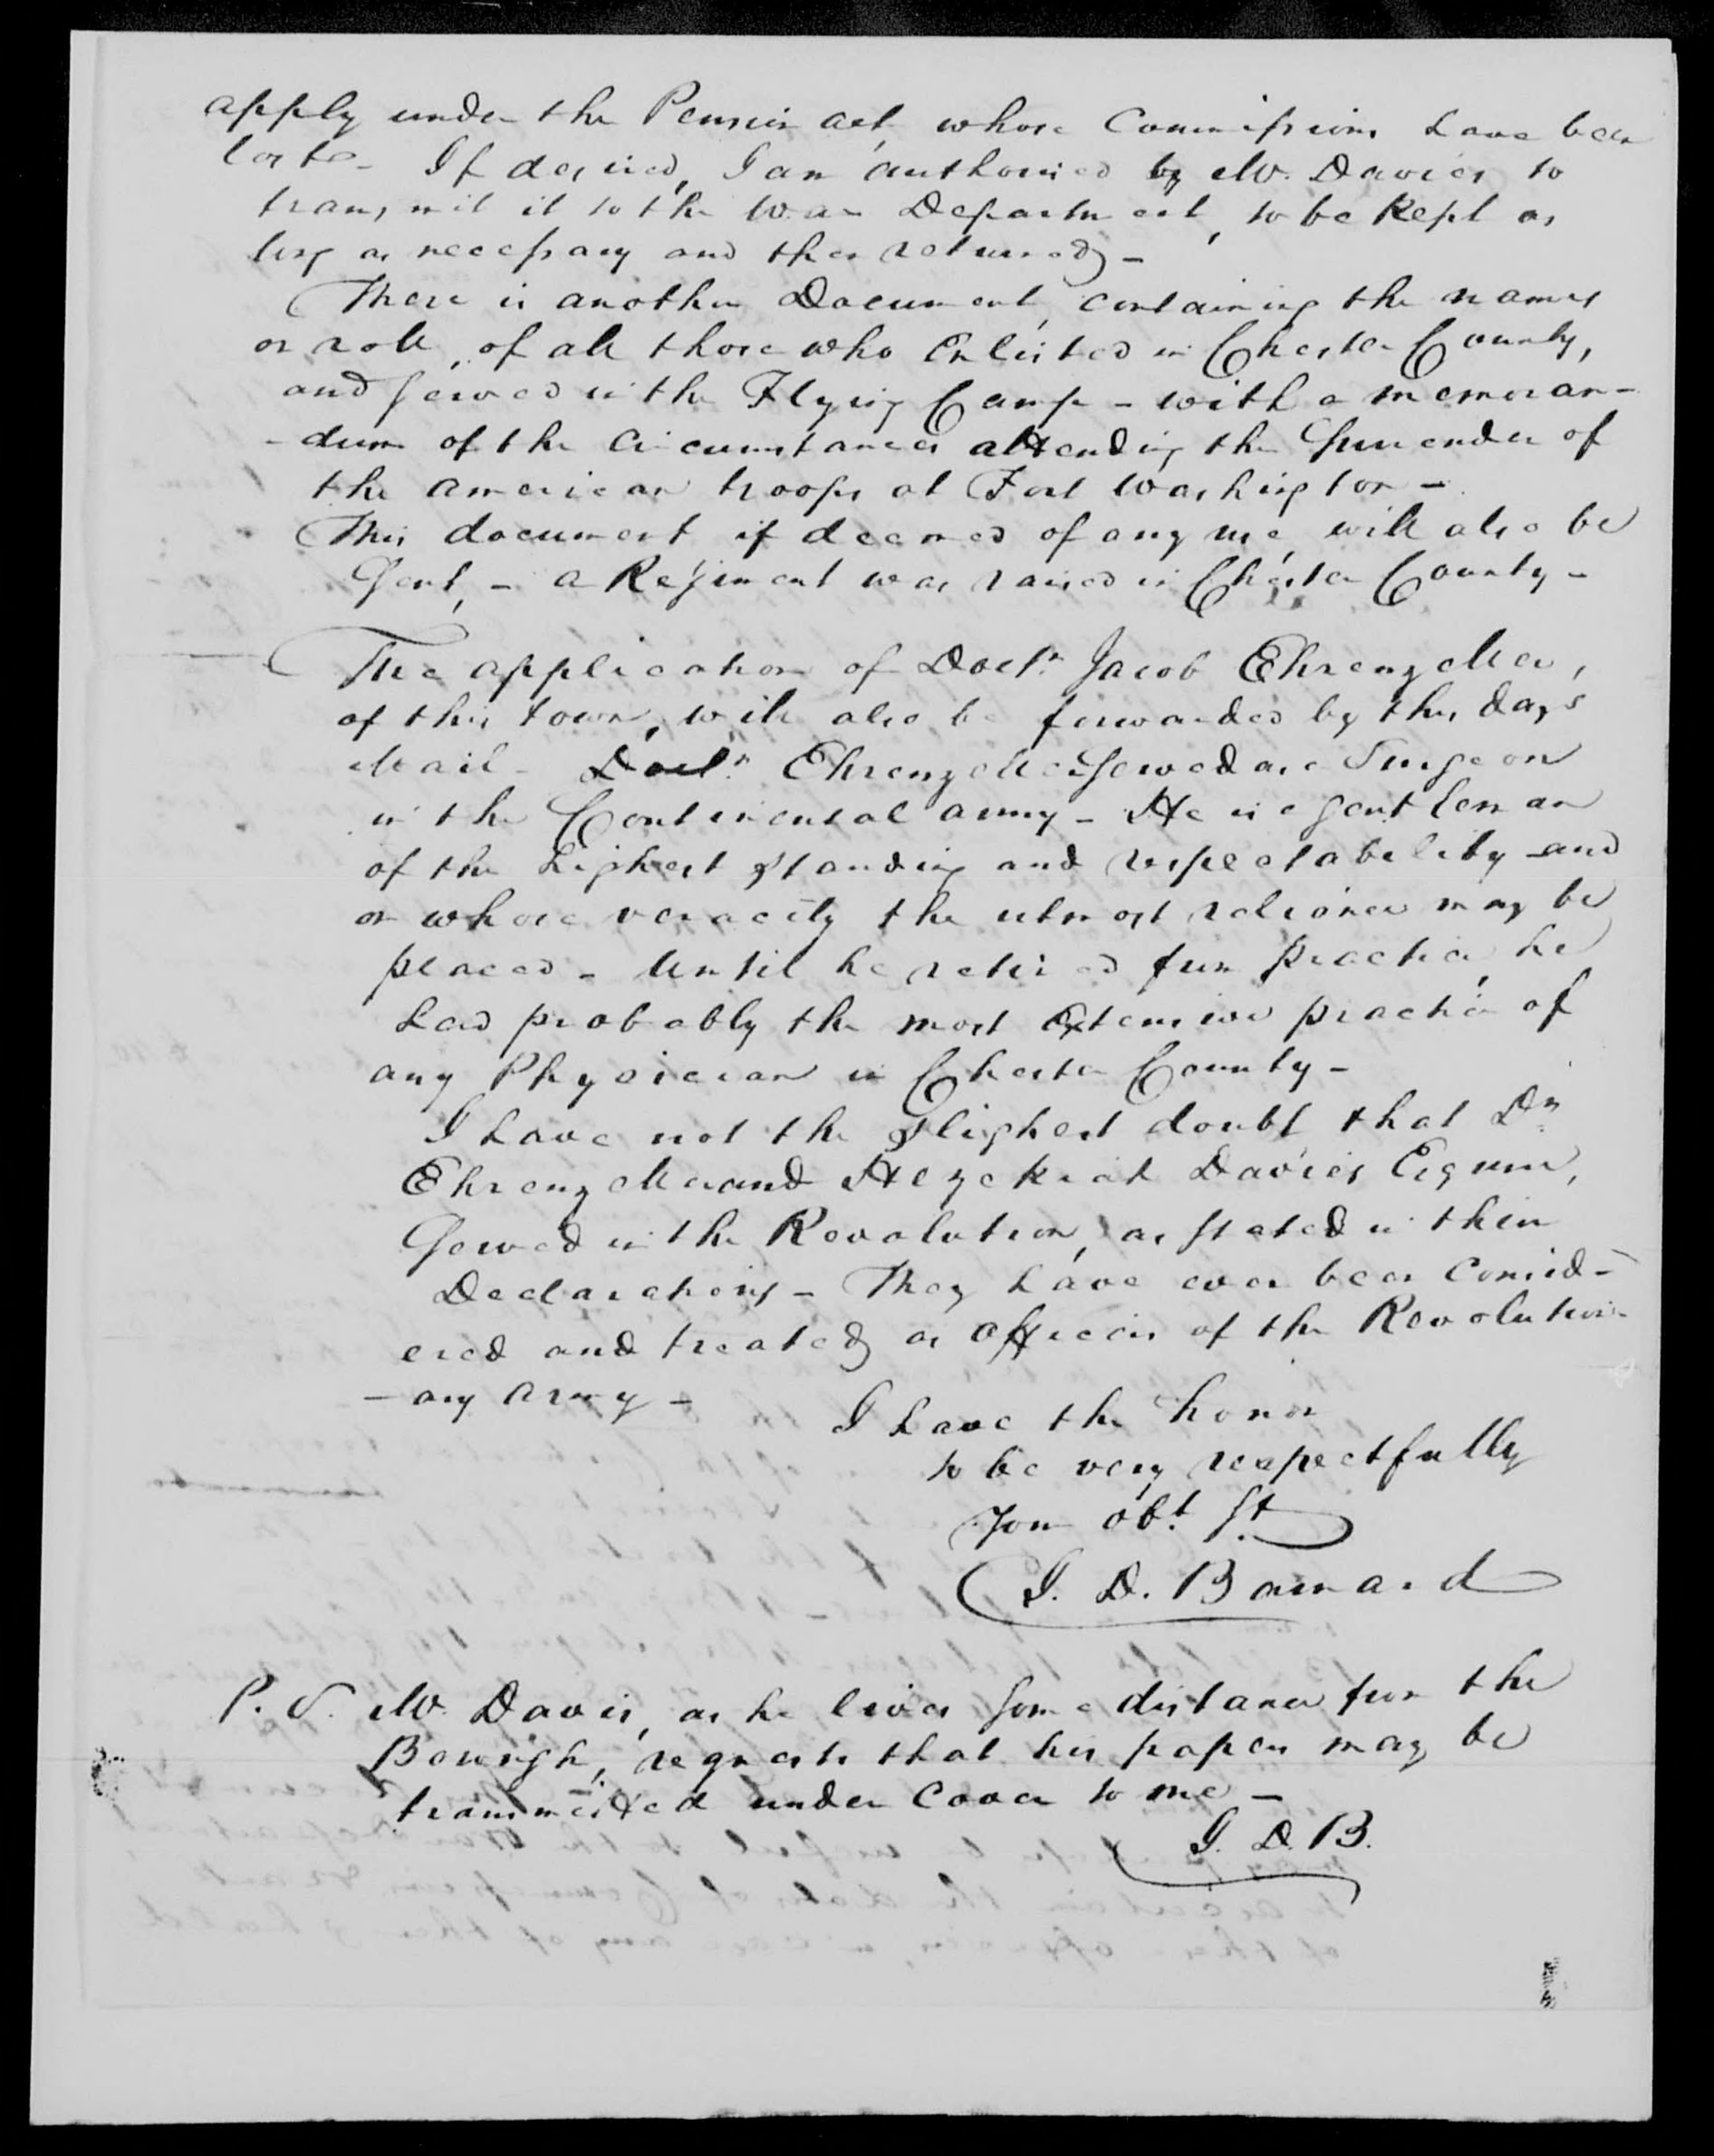apply under the Pension act whose commissions have been
lost. If desired, I am authorized by W. Davies to
transmit it to the War Department to be kept as
long as necessary and then returned. 
There is another Document containing the names
or role of all those who enlisted in Chester County, and served in the Flying Camp with a memorandum of the circumstances attending the surrender of
the American troops at Fort Washington - 
This document if decoved of any use will also be
Sent, -  a Regiment was raised in Chester County - 
The application of Doctor Jacob Ehrenzcher, 
of this Town, will also be forwarded by the days
mail. Doctor Ehrenzcher served as a Surgeon
in the Continental army. He is a gentleman of the highest standing and respectability and
on whose veracity the utmost reliance may be
placed, until he retired from practice he
had probably the most extensive practice of
any Physician in Chester County. 
I have not the slightest doubt that Dr. Ehrenzcher and Hezekiah Davies Esquire
served in the Revolution as stated in their 
Declarations. They have ever been considered and treated as officers of the Revolutionary army. 
I have the honor
to be very respectfully
Your obedient Servant
J.D. Barnard

P. S. W. Davis as he lived some distance from the
Bourough requests that his papers may be transmited under cover to me. 
J. D. B.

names: Davis, Hezekiah Davies, Ehrenz, J D Barnard, Jacob Ehrenz, Davies, Ehrenz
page: 42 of 57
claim: survivor's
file: S. 2161, Hezekiah Davies, Penn